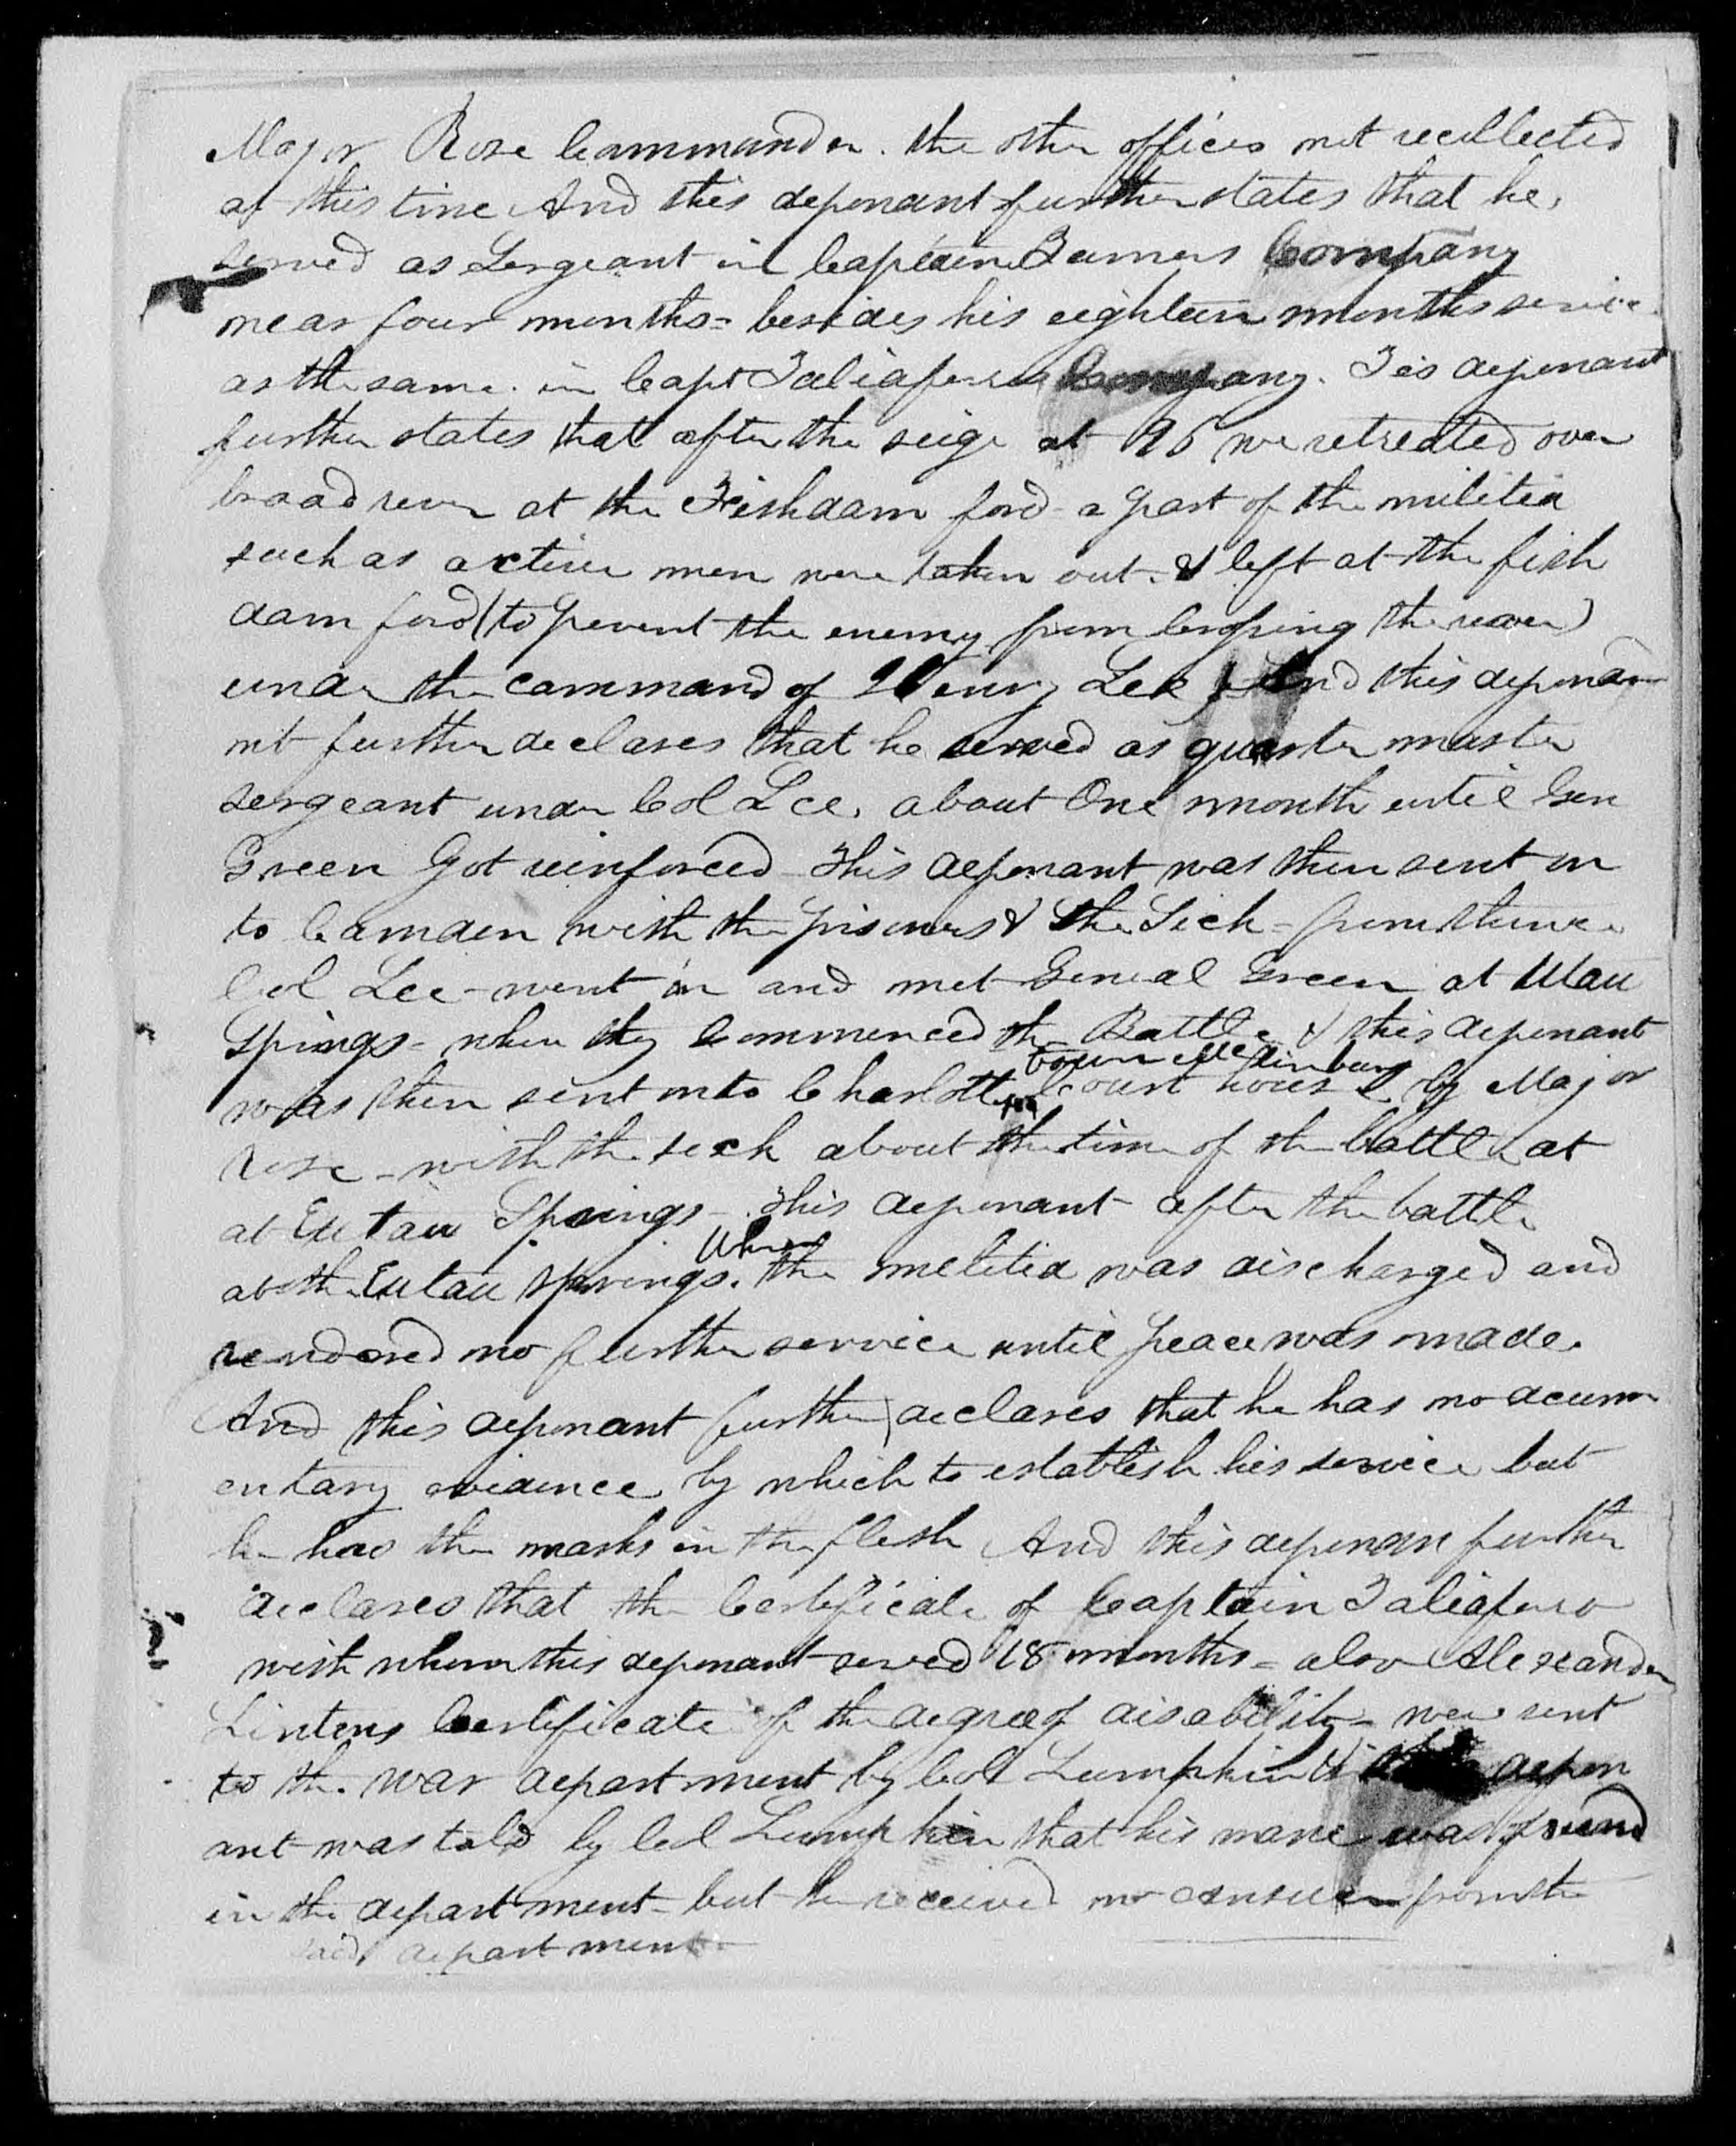Major Rose commander, the other offices not recollected at this time. And this deponant further states that he served as Sergeant in Captain Barnes Company near four months = besides his eighteen months service as the same in Captain Taliaferos Company. Tis deponant further states that after the seige at 26 we retreated over broad river at the Fishdam ford, a grast of the militia such as active men were taken out & left at the fish dam ford (to prevent the enemy from crossing the river) under the command of Henry Lek. And this deponant further declares that he served as quarter master sergeant under Col Lee, about  one month until Gen Green Got reinforced. This deponant was then sent on to Camden with the prisoners & the Sick= from there Col Lee went in and met General Green at Wall Springs, when they commenced the Battle & this deponant was then sent into Charlottetown McLinburg Court house by Major Rose, with the sick about the time of the battle at at Eutaw Springs. This deponant after the battle at the Eutaw Springs, where the militia was discharged and rendered no further service until peace was made. And this deponant further declares that he has no documentary evidence by which to establish his service but he had the marks in the flesh. And this deponant further declares that the Certificate of Captain Taliafero with whom this deponant served 18 months= also Alexander Lintons Certificate of the degree of disability, were sent to the war department by Col Lumpkin [ink smudge] deponant was told by Col Lumpkin that his mane was [illegible] in the department, but he received no Answer from the said department.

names: Lee, Rose, Lumpkin, Taliafero, Rose, Lee, Green, Alexander Linten, Green, Henry Lee, Lumpkin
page: 6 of 54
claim: widow's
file: W. 3794, Nathan Formby, Va.